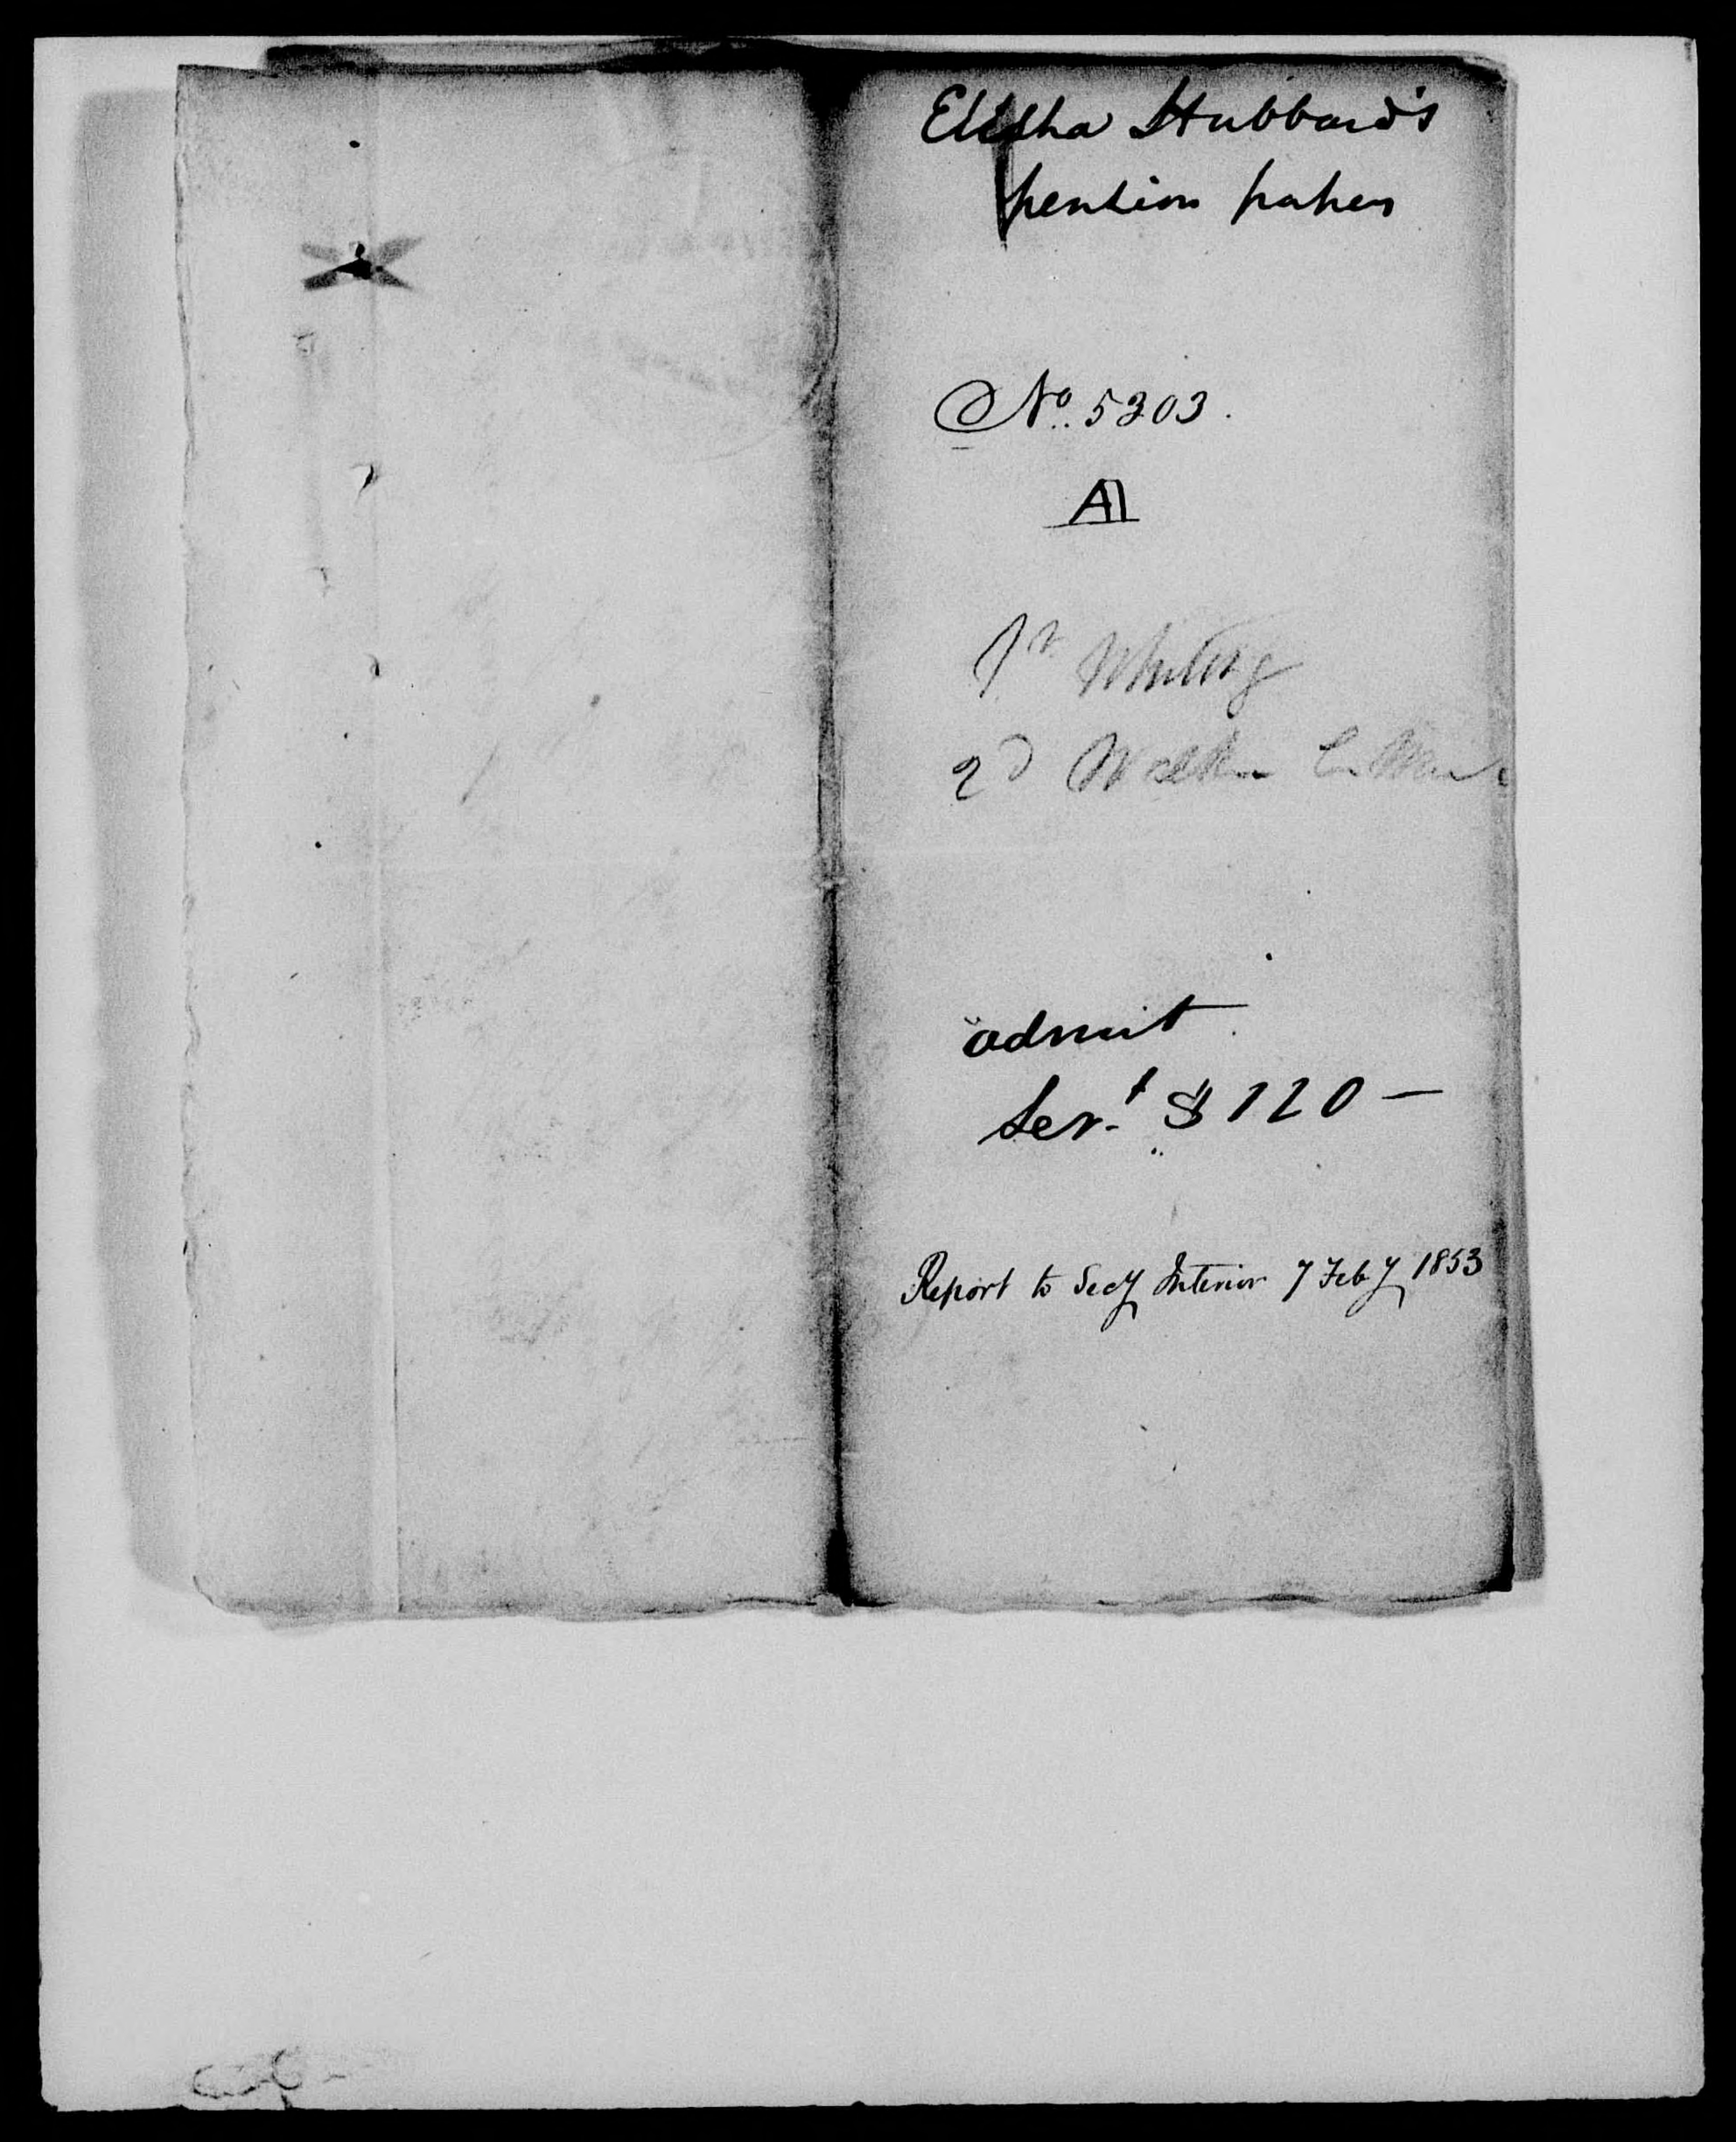Elisha Hubbard's pension paper


No. 5203
 A1

J Whiting


( can't decipher )

admit
Pen.  $120-

Report to Secy Interior 7 Feby 1853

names: Elisha Hubbard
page: 27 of 63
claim: survivor's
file: S. 18457, Elisha Hubbard, Conn. Continental